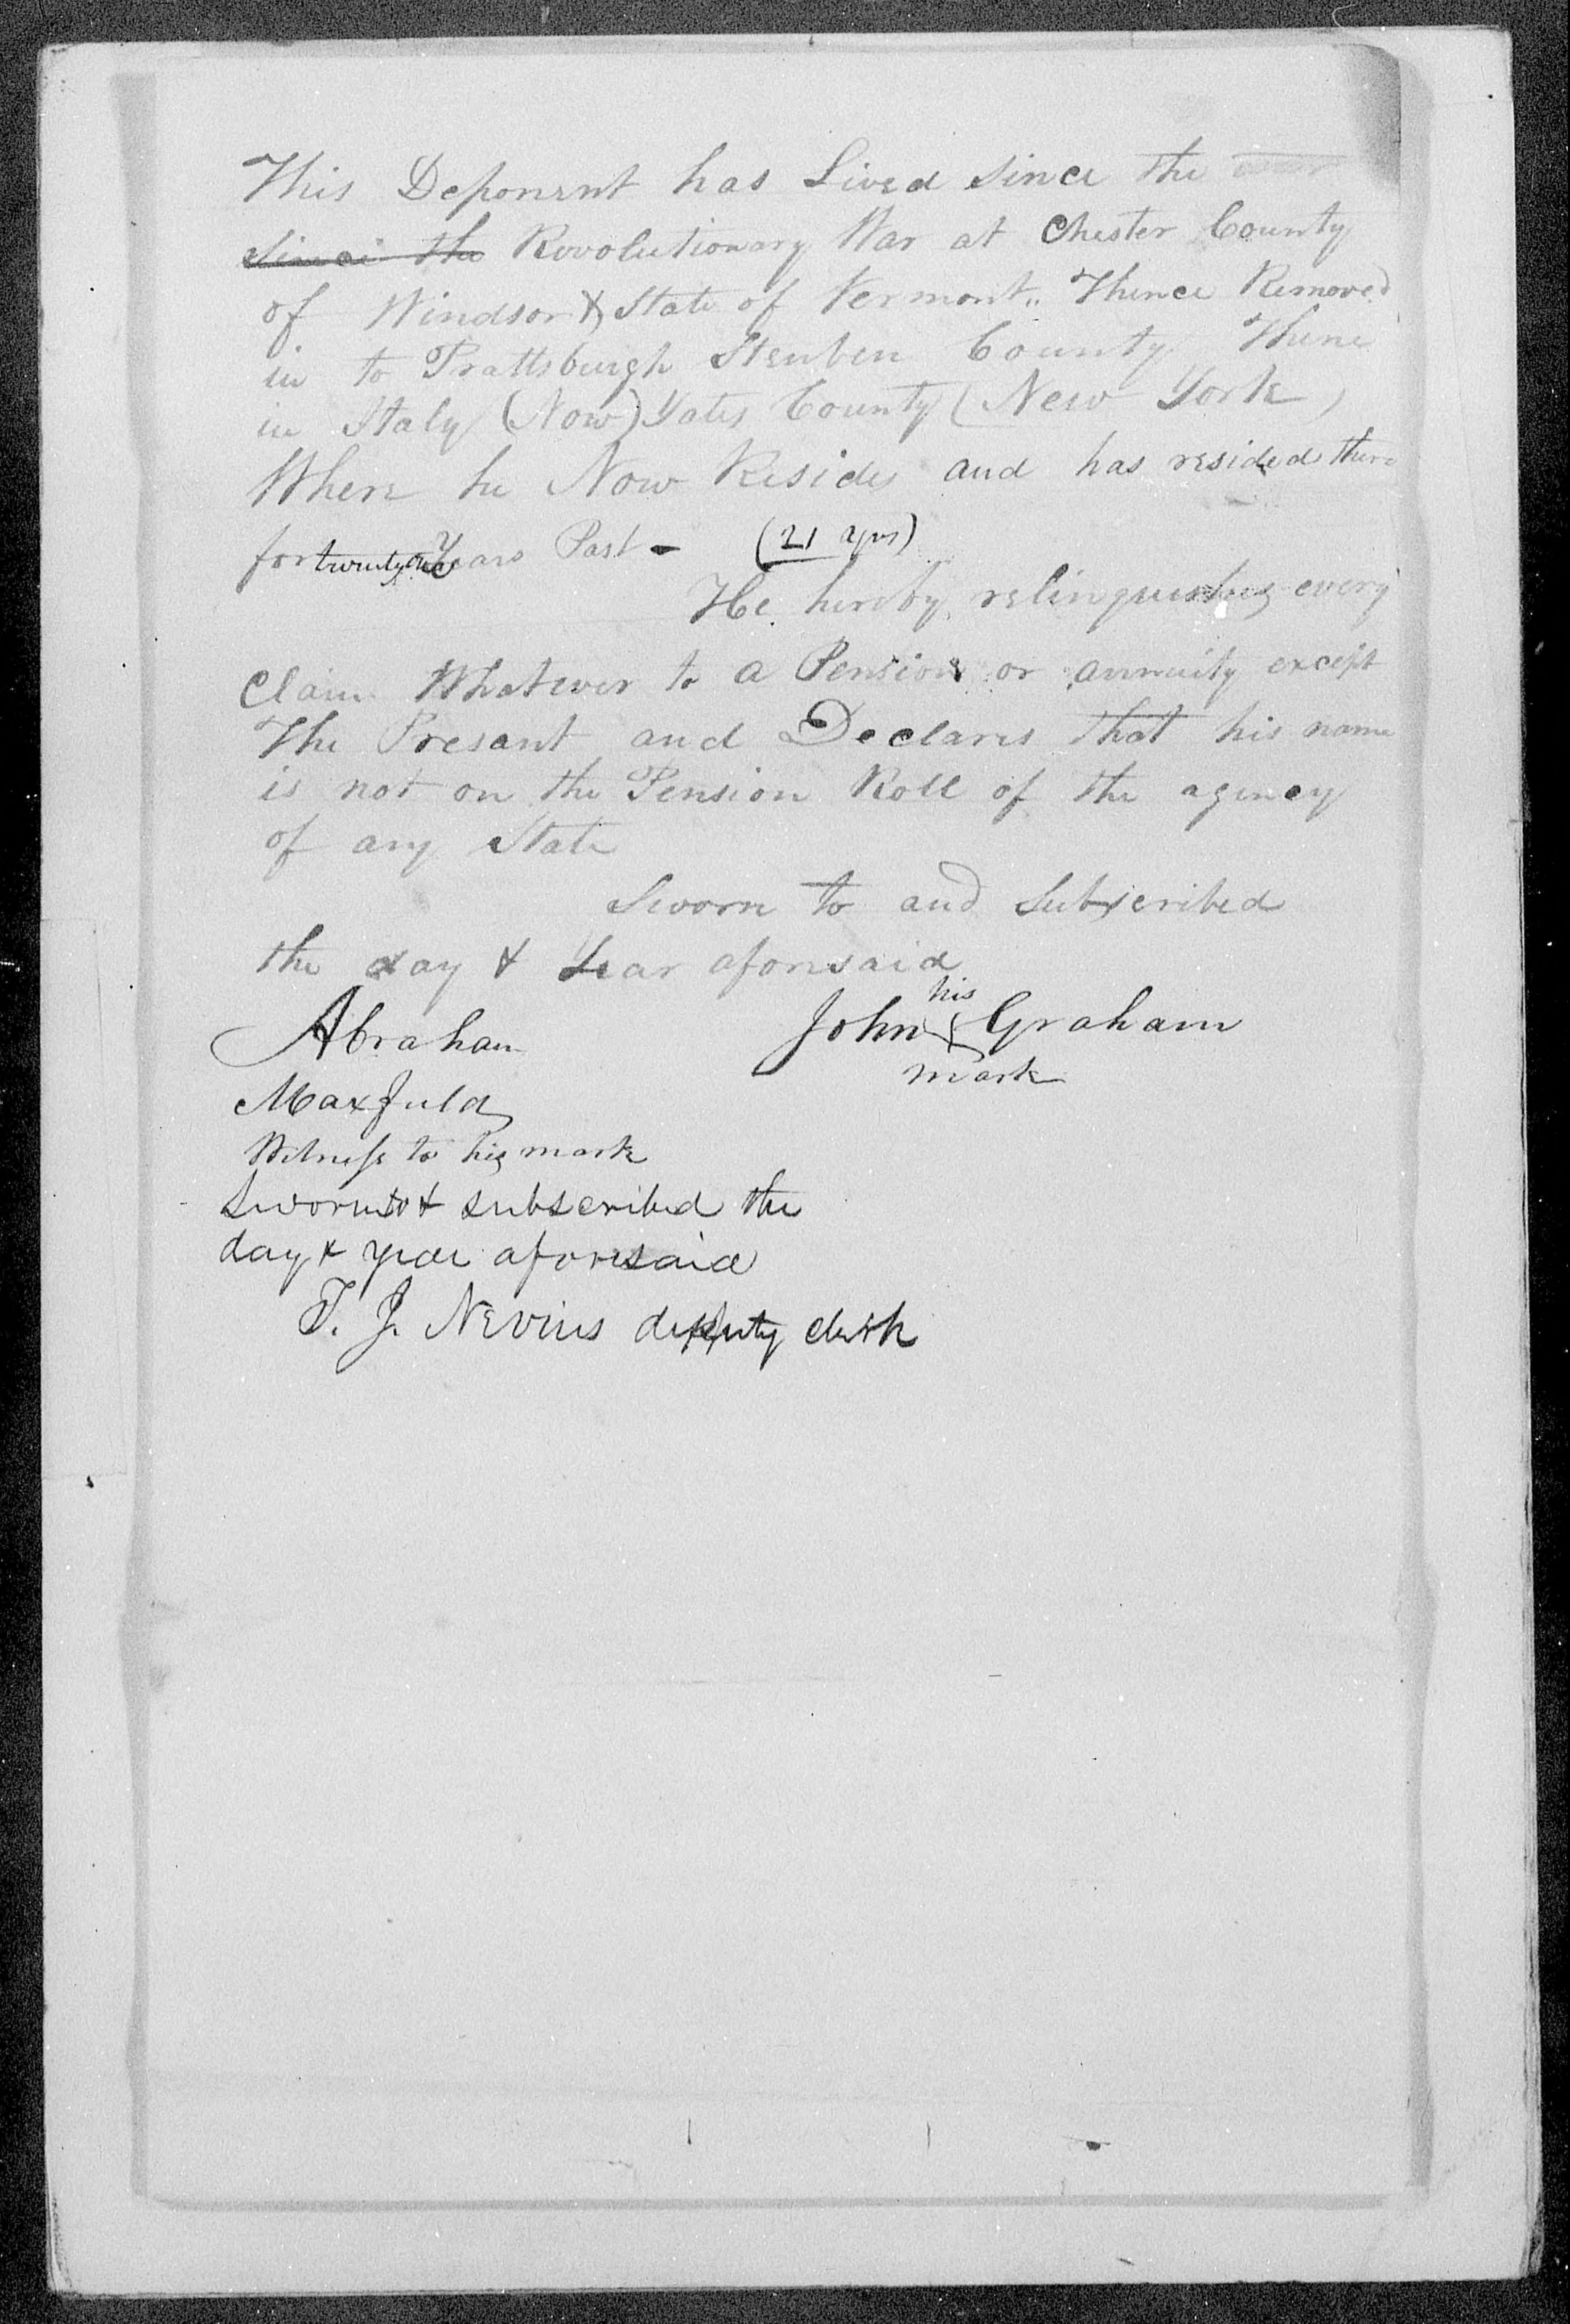This Deponent has lived since the Revolutionary War at Chester County of Windsor & State of Vermont.  Thence removed in to Prattsburgh Steuben County. Thence in Italy (now) Yates County (New York) where he now resides and has resided there for Twenty on years part - (21 yrs)

He hereby relinquishing every claim whatever to a Pension or annuity except the present and declares that his name is not on the Pension Roll of the agency of any state.

Sworn to and subscribed the day & year aforesaid
                         his
                 John + Graham
                         mark

Abraham Maxfield 
witness to his mark

Sworn to & subscribed the day & year aforesaid
  T. J. Nevius deputy clerk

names: T J Nevius, Abraham Maxfield, John Graham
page: 6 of 28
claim: survivor's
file: S. 22799, John Graham, Mass